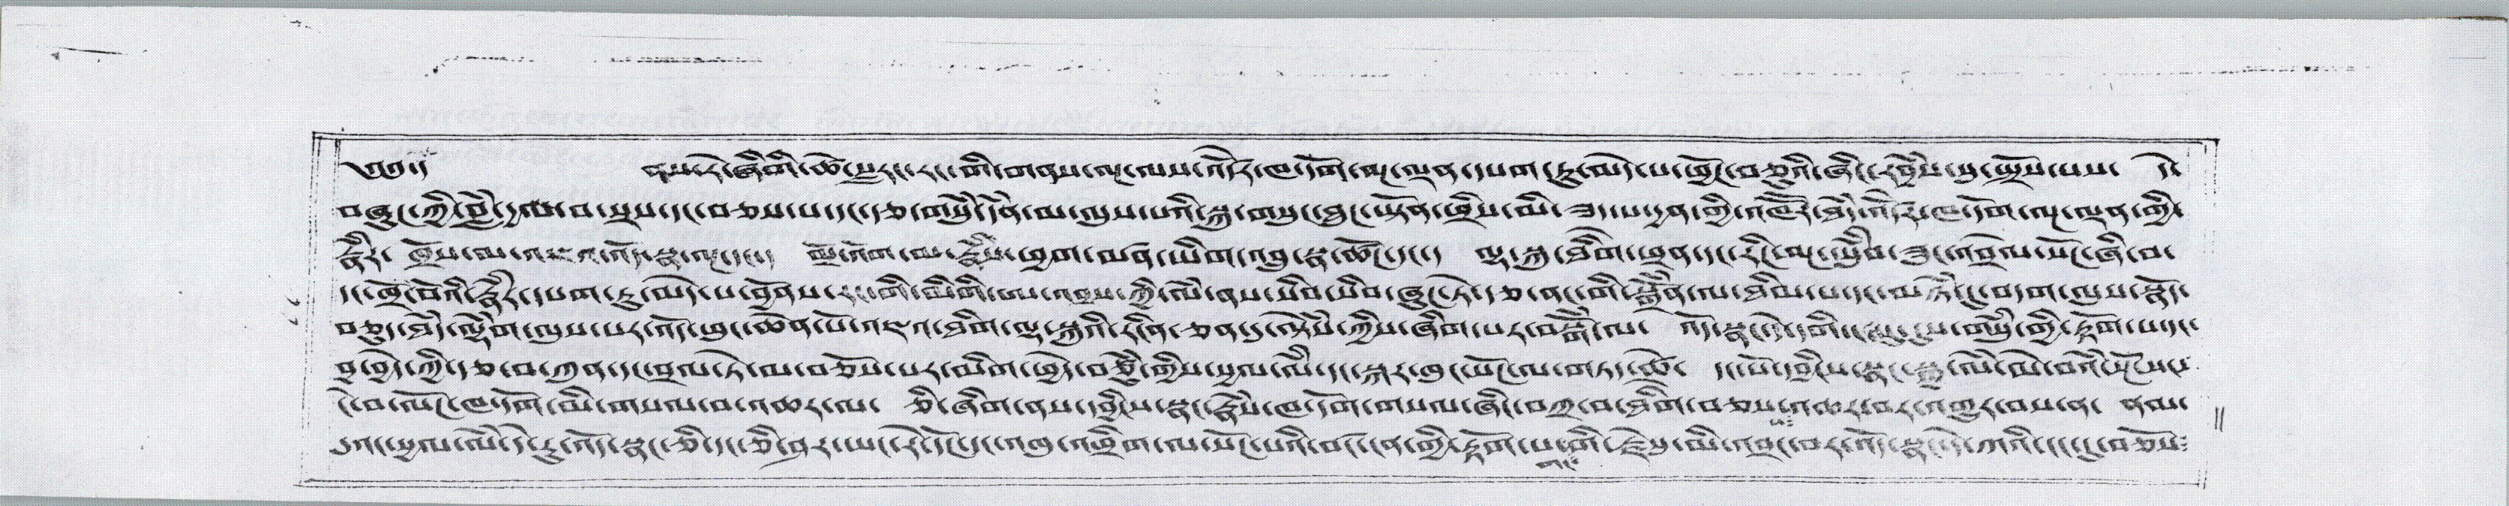ནས་རེ་ཞིག་གི་ཚེ་སླར་ཡང་རང་གི་གནས་ལྔ་ལས་འོད་ཟེར་ཁ་དོག་ལྔ་ལྡན་དཔག་ཏུ་མེད་པ་ཕྱོགས་བཅུའི་ཞིང་རབ་འབྱམས་སུ་སྤྲོས་པས་། དེ་
བཞུགས་ཀྱི་བླ་མ་རྒྱལ་བ་སྲས་དང་བཅས་པ་དང་རྩ་གསུམ་དམ་ཅན་མ་ལུས་པའི་སྐུ་གསུང་ཐུགས་ཡོན་ཏན་འཕྲིན་ལས་མི་བཟད་པ་རྒྱན་གྱི་འཁོར་ལོ་ཐམས་ཅད་འོད་ཟེར་ཁ་དོག་ལྔ་ལྡན་གྱི་
རྣམ་པར་ཁྲོས་མ་འཇའ་འོད་སྣ་ལྔ་དང་། མཁའ་འགྲོ་འོག་མ་རྣམས་ཕྱག་མཚན་ཡིག་འབྲུ་སྣ་ཚོགས་དང་། ལྷ་སྐུ་ཐིག་ལེ་ཐིག་ཕྲན་དང་རིགས་ལྔ་ཡབ་ཡུམ་ཟུང་འབྲེལ་སོགས་ཞི་བ་
དང་ཁྲོ་བོའི་རྣམ་པར་དཔག་ཏུ་མེད་པར་བྱོན་ནས་རང་གི་མིག་གི་ཨ་འབྲས་ཀྱི་ལམ་ནས་སིབ་སིབ་ཞུགས་ཏེ་རྩ་ནང་གི་སྒྲོན་མ་ལ་ཐིམ་པ་དང་མཉམ་དུ་བདག་ལུས་སྣོད་
བཅུད་ཐམས་ཅད་ལྷག་མ་ལུས་པར་འོད་ཕུང་ཆེན་པོ་འཇའ་ཐིག་ལྷ་སྐུའི་རང་བཞིན་ཅན་དུ་ལྟེམ་གྱིས་ཞིག་པར་བསྒོམ་ལ། འོད་སྣང་དེ་དགགི་ངང་དུ་དུས་གསུམ་གྱི་རྟོག་པ་དང་
བྱ་བྱེད་ཀྱི་རྩོལ་བ་ཀུན་དང་བྲལ་ཏེ་མ་བཅོས་པར་མིག་ཕྱེད་བཙུམ་གྱིས་གསལ་ལམ་དང་སྐར་ཁུང་སོགས་ལ་གཏད་ཚེ། དང་པོ་དབྱིངས་སྣང་སྐྱ་ལམ་མེ་བའམ་སྔོ་སང་
ངེ་བ་ལ་སོགས་ཁ་དོག་མི་གསལ་བ་འཆར་ལ། ཅི་ཞིག་ནས་དབྱིངས་སྣང་རྣམས་ཁ་དོག་གསལ་ཞིང་བཀྲ་བ་ཐིག་ཐིག་ལེ་བཅས་པ་འཆར་བར་འགྱུར་བས་ན། ནམ་
དུའང་གསལ་ལམ་དེ་རུ་འོད་སྣང་ཅི་དང་ཅི་ཤར་ཡང་རེ་དྭོགས་འཁུ་འཕྲིག་ལ་སོགས་པའི་བཟང་ངན་གྱི་རྟོག་པ་གང་གི་རྗེས་སུ་མི་འབྲང་བར་འོད་སྣང་དེ་གའི་ངང་དུ་བཅོས་